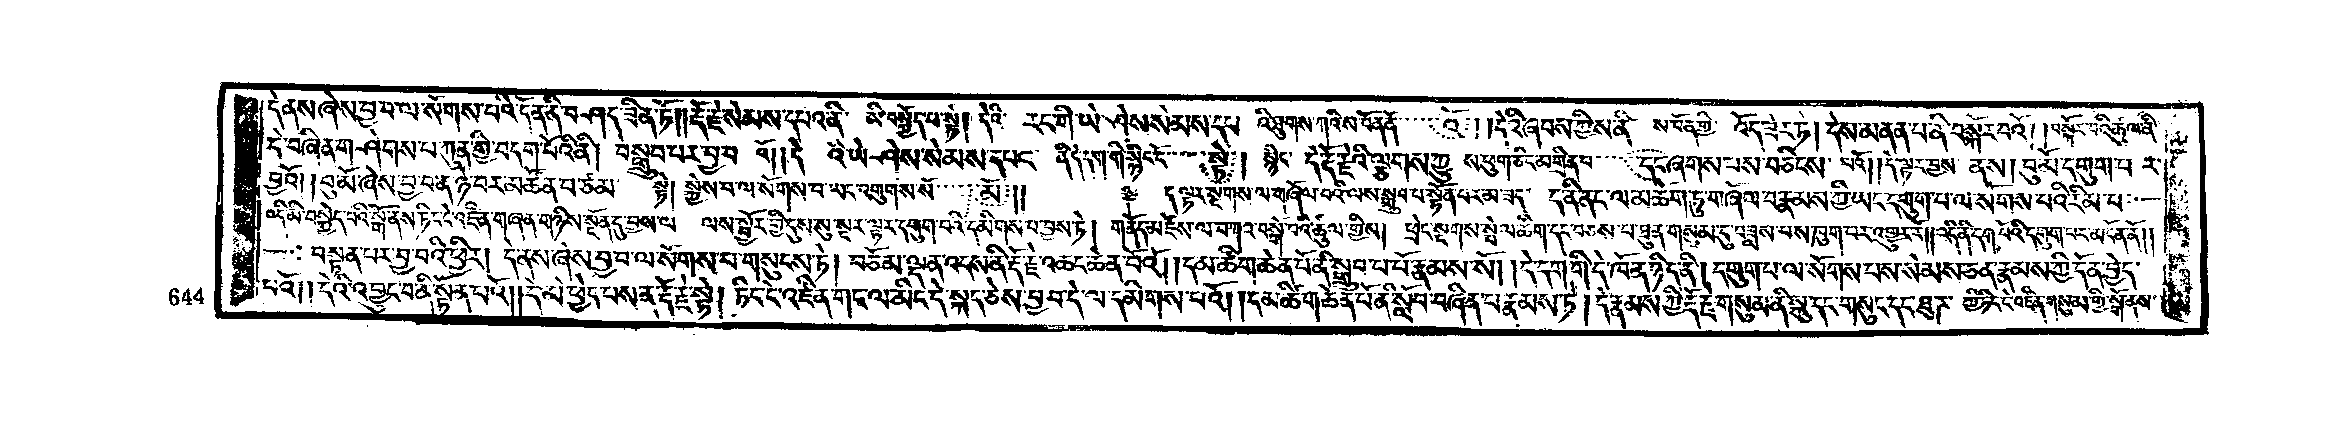དེ་ནས་ཞེས་བྱ་བ་ལ་སོགས་པའི་དོན་ནི་བཤད་ཟིན་ཏོ། །རྡོ་རྗེ་སེམས་དཔའ་ནི་མི་བསྐྱོད་པ་སྟེ། དེའི་རང་གི་ཡེ་ཤེས་སེམས་དཔའི་ཐུགས་ཀའི་ས་བོན་ནོ་འོ། །དེའི་ཞབས་ཀྱིས་ནི་ས་བོན་གྱི་འོད་ཟེར་ཏེ། དེས་མནན་པ་ནི་བསྐོར་བའོ། ། བསྐོར་བའི་ཚུལ་ནི
དེ་བཞིན་གཤེགས་པ་ཀུན་གྱི་བདག་པོའི་ནི། བསྒྲུབ་པར་བྱ་བའོ། །དེའི་ཡེ་ཤེས་སེམས་དཔའ་ནི་དེ་དག་གི་སྙིང་ངོ་སྟེ། སྙིང་དེ་རྡོ་རྗེའི་ལྕགས་ཀྱུས་ཕུག་ཅིང་མགྲིན་པ་དང་ཞགས་པས་བཅིངས་པའོ། །དེ་ལྟར་བྱས་ནས། བུ་མོ་དགུག་པར་
བྱའོ། །བུ་མོ་ཞེས་བྱ་བ་ནི་ཉེ་བར་མཚོན་པ་ཙམ་སྟེ། སྐྱེས་པ་ལ་སོགས་པ་ཡང་འགུགས་སོ་མོ། ། ༈ ད་ལྟར་སྔགས་ལ་གཞོལ་བའི་ལས་སྒྲུབ་པ་སྟོན་པར་མ་ཟད་དེ་ནི་ནང་ལ་མཆོག་ཏུ་གཞོལ་བ་རྣམས་ཀྱི་ཡང་དགུག་པ་ལ་སོགས་པའི་རིམ་པཿ
འདི་མི་བསྐྱེད་པའི་སྒོ་ནས་ཏིང་ངེ་འཛིན་གཞན་གཉིས་སྔོན་དུ་བྱས་ལ། ལས་སྦྱོར་གྱི་དུས་སུ་སྔར་ལྟར་དགུག་པའི་དམིགས་པ་བྱས་ཏེ། གནོད་མཛེས་ལ་བཀའ་བསྒོ་བའི་ཚུལ་གྱིས། ཕྲེང་སྔགས་སྤེལ་ཚིག་དང་བཅས་པ་ཐུན་གསུམ་དུ་བཟླས་པས་ཁུག་པར་འགྱུར་རོ། །འདི་ནི་དག་པོའི་དགུག་པར་མངོན་ནོ།  །
.H བསྟན་པར་བྱ་བའི་ཕྱིར། དེ་ནས་ཞེས་བྱ་བ་ལ་སོགས་པ་གསུངས་ཏེ། བཅོམ་ལྡན་འདས་ནི་རྡོ་རྗེ་འཆང་ཆེན་པོའོ། །དམ་ཚིག་ཆེན་པོ་ནི་སྒྲུབ་པ་པོ་རྣམས་སོ། །དེ་དག་གི་དེ་ཁོ་ན་ཉིད་ནི། དགུག་པ་ལ་སོགས་པས་སེམས་ཅན་རྣམས་ཀྱི་དོན་བྱེད་
པའོ། །དེའི་འབྱུང་བ་ནི་སྟོན་པའོ། །དེ་མི་ཕྱེད་པས་ན་རྡོ་རྗེ་སྟེ། ཏིང་ངེ་འཛིན་གང་ལ་མིང་དེ་སྐད་ཅེས་བྱ་བ་དེ་ལ་དམིགས་པའོ། །དམ་ཚིག་ཆེན་པོ་ནི་སློབ་བཞིན་པ་རྣམས་ཏེ། དེ་རྣམས་ཀྱི་རྡོ་རྗེ་གསུམ་ནི་སྐུ་དང་གསུང་དང་ཐུགས་ཀྱི་ཏིང་ངེ་འཛིན་གསུམ་གྱི་སྒོ་ནས་